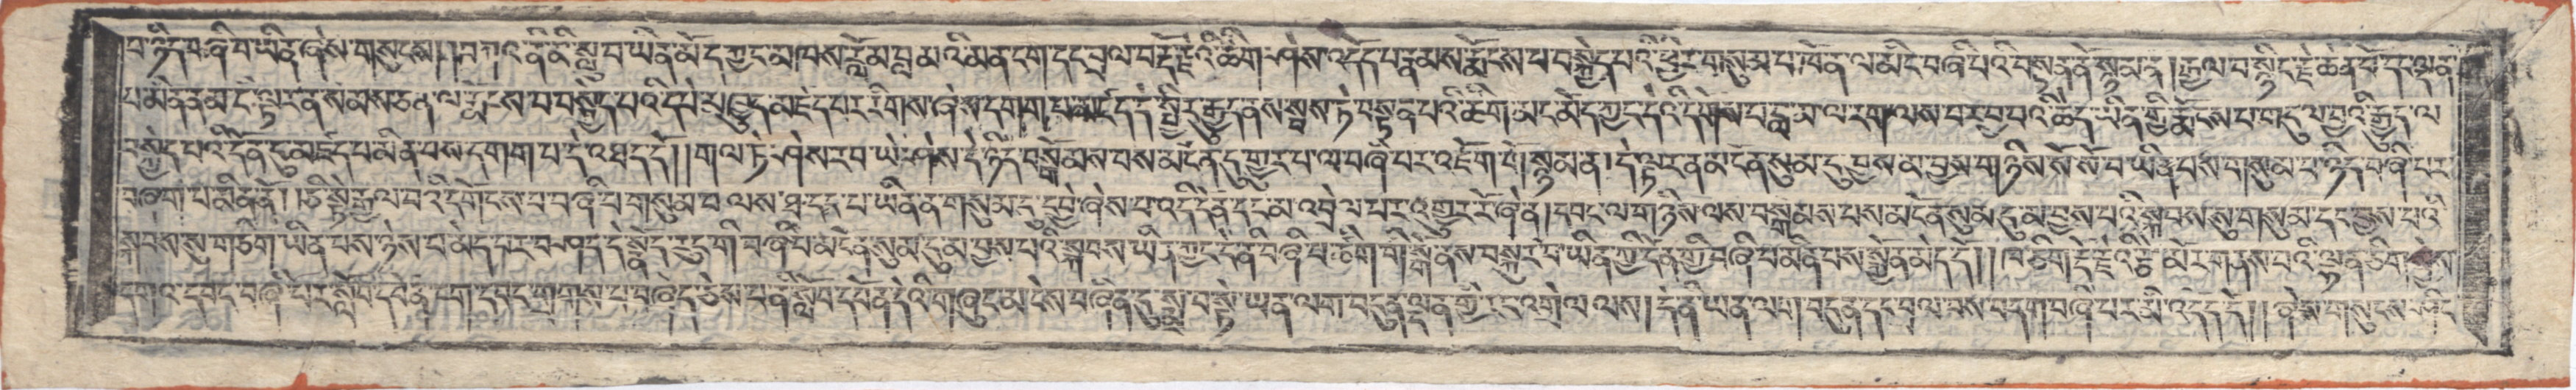པ་ཉིད་བཞི་བ་ཡིན་ཞེས་གསུངས། །བཀའ་ནི་མི་སླུ་བ་ཡིན་མོད་ཀྱང་མཁས་རློམ་བླ་མའི་མན་ངག་དང་བྲལ་བ་རྡོ་རྗེའི་ཚིག་ཤེས་འདོད་པ་རྣམས་རྨོངས་པ་བསྐྱེད་པའི་ཕྱིར་གསུམ་པ་ཁོ་ན་ལ་མིང་བཞི་པའི་བསྟན་ནོ་སྙམ་ན། རྒྱལ་བ་སྙིང་རྗེ་ཆེན་པོ་དང་ལྡན་
པ་མིན་ནམ་ཇི་ལྟར་ན་སེམས་ཅན་ལ་རྨོངས་བ་བསྐྱེད་པའི་དཔེ་མཁྱུད་མཛད་པར་རིགས་ཞེས་དགག་པ་མཛད་དེ་སྤྱིར་རྒྱུད་ནས་སྦས་ཏེ་བསྟན་པའི་ཚིག་མང་མོད་ཀྱང་དེའི་དགོས་པ་བླ་མ་ལ་རག་ལས་བར་བྱ་བའི་ཆེད་ཡིན་གྱི་རྨོངས་པ་གདུལ་བྱའི་རྒྱུད་ལ་
བསྐྱེད་པའི་དོན་དུ་མཛད་པ་མིན་པས་དགག་པ་དེ་འཐད་དོ། །གལ་ཏེ་ཤེས་རབ་ཡེ་ཤེས་དེ་ཉིད་བསྒོམས་པས་མངོན་དུ་གྱུར་པ་ལ་བཞི་པར་འཇོག་གོ་སྙམ་ན། དེ་ལྟར་ན་མངོན་སུམ་དུ་བྱས་མ་བྱས་གཉིས་སོ་སོ་བ་ཡིན་པས་གསུམ་པ་ཉིད་བཞི་པར་
བཞག་པ་མིན་ནོ། །ཅི་སྟེ་རྒྱལ་བའི་དགོངས་པ་བཞི་པ་གསུམ་པ་ལས་ཐ་དད་པ་ཡིན་ན་གསུམ་དུ་དབྱེ་ཞེས་པ་འདི་དོན་དང་མ་འབྲེལ་པར་འགྱུར་རོ་ཞེ་ན། དབང་ལ་གཉིས་ལས་བསྒོམས་པས་མངོན་སུམ་དུ་མ་བྱས་པའི་སྐབས་སུ་གསུམ་དང་བྱས་པའི་
སྐབས་སུ་གཅིག་ཡིན་པས་ཉེས་པ་མེད་པར་བཤད་དེ་སྣོད་རུང་གི་བཞི་པ་མངོན་སུམ་དུ་མ་བྱས་པའི་སྐབས་ཡིན་ཀྱང་དེ་ནི་བཞི་བ་ཚིག་གི་སྒོ་ནས་བསྐུར་བ་ཡིན་གྱི་དོན་གྱི་བཞི་པ་མིན་པས་སྐྱོན་མེད་དོ། །ཁ་ཅིག་རྡོ་རྗེའི་རྩེ་མོར་གནས་པའི་ལྷན་ཅིག་སྐྱེས་
དགའ་དབང་བཞི་པར་སློབ་དཔོན་ངག་དབང་གྲགས་པ་བཞེད་ཅེས་པ་ནི་སློབ་དཔོན་དེའི་གཞུང་མ་ངེས་བཞིན་དུ་སྨྲ་བ་སྟེ་ཡན་ལག་བདུན་ལྡན་གྱི་རང་འགྲེལ་ལས། དེ་ནི་ཡན་ལག་བདུན་དང་བྲལ་བས་བདག་བཞི་པར་མི་འདོད་དོ། །ཞེས་གསུངས་ཤིང་